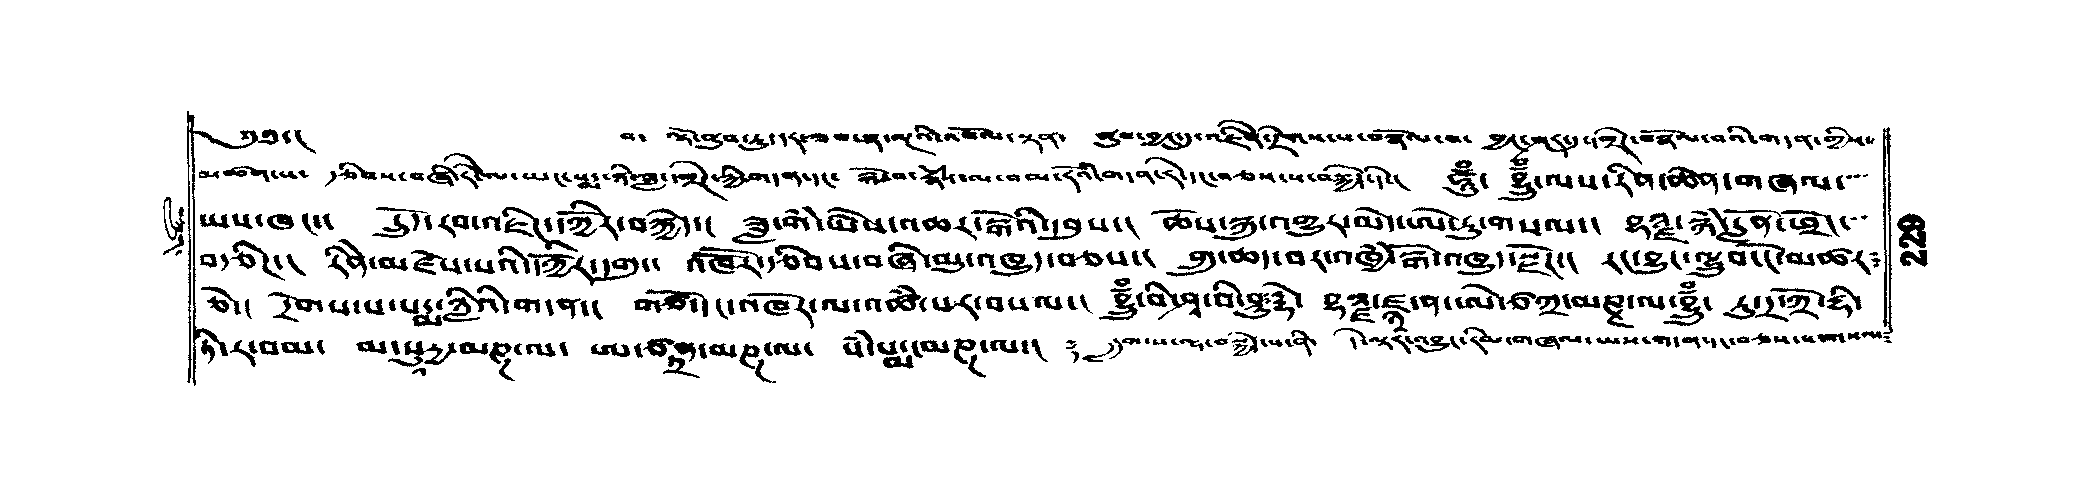བ་ལྷོ་ནུབ་ཏུ་དར་ཟབ་སྣ་ལྔའི་འབོལ་སྟན། ནུབ་བྱང་དུ་འཇིག་རྟེན་དྲེགས་པ་བསྣོལ་བ། བྱང་ཤར་དུ་དགྲ་བགེགས་བསྣོལ་བའི་གདན་གྱིས་
མཚན་པ། རྩིབས་བཞི་རེ་རེ་ལ་ཡང་པདྨ་ཉི་ཟླ་དགྲ་བགེགས་ཀྱི་གདན་དང་།སྒོ་བ་རྣམས་ལ་བམ་རོའི་གདན་རེ་དང་བཅས་པ་བསྐྱེད་དོ། ཧཱུྃ། བྷྲུྃ་ལས་རིན་ཆེན་གཞལ་
ཡས་ཁང་། །དུར་ཁྲོད་རབ་འཇིགས་དཀྱིལ་འཁོར་བསྐྱེད།། ཟླ་གམ་ཡེ་ཤེས་འཆར་སྒོའི་དབུས། །ཆོས་སྐུ་འགྱུར་མེད་ཨེ་རུ་གསལ། །བྷཉྫ་སྐམ་རློན་ཕོ་བྲང་
བརྩིགས། ། རིན་ཆེན་མཛེས་པའི་དཀྱིལ་འཁོར་དབུས། །འཁོར་ལོ་རྩིབས་བཞི་མུ་འཁྱུད་བཅས། །གྲུ་ཆད་བར་འཁྱམ་སྒོ་འཁྱུད་རྫོགས། །རང་བྱུང་ལྷུན་གྲུབ་ངོ་མཚར་
རྩེ། །དྲེགས་པ་པདྨ་ཉི་ཟླའི་གདན། །གཙོ་དང་འཁོར་ལ་འཚམ་པར་བསམ། །བྷྲུྃ་བི་ཤྭ་བི་ཤུདྡྷེ། བྷཉྫ་ཛྙཱ་ན་ཨེ་ཙཀྲ་མཎྜ་ལ་བྷྲུྃ། རུ་དྲ་ཀྲོ་དྷི་
ཏི་ར་བམ། མ་སཱུརྻ་མཎྜ་ལ། ཨ་ཙནྟྲ་མཎྜ་ལ། པཾ་པདྨ་མཎྜ་ལ། ༈ དྲུག་པ་ལྷ་བསྐྱེད་པ་ནི། དེ་ལྟར་འབྱུང་རིམ་གཞལ་ཡས་གདན་དང་བཅས་པ་གསལ་